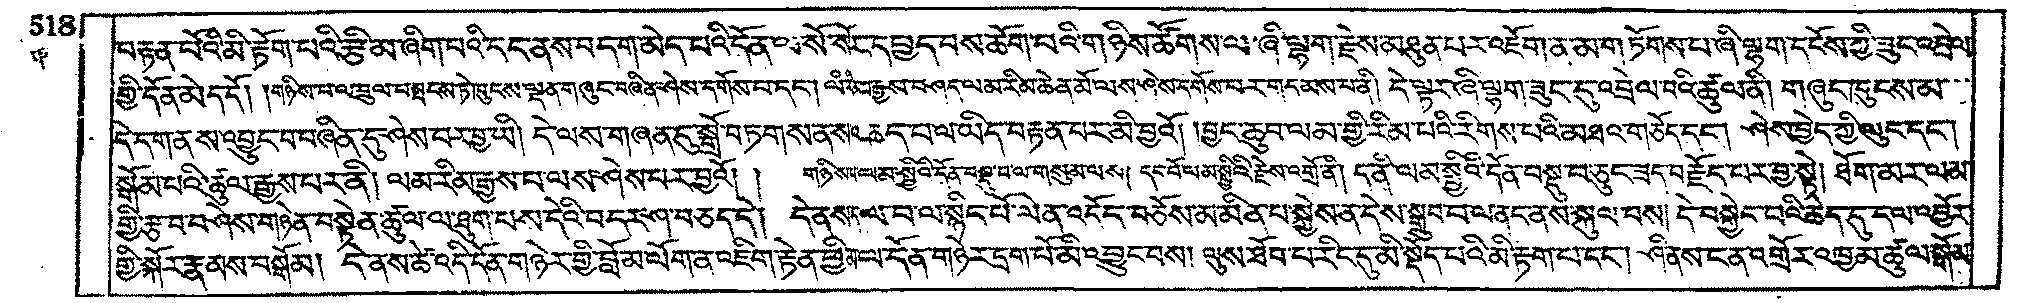བརྟན་པོའི་མི་རྟོག་པའི་རྩི་མ་ཞིག་པའི་ངང་ནས་བདག་མེད་པའི་དོན་ལ་སོ་སོར་དཔྱད་པས་ཆོག་པའི་གཉིས་ཚོགས་ལ་ཞི་ལྷག་རྗེས་མཐུན་པར་འཇོག་ན་མ་གཏོགས་པ་ཞི་ལྷག་དངོས་ཀྱི་ཟུང་འབྲེལ་
གྱི་དོན་མེད་དོ། །གཉིས་པ་འཁྲུལ་པ་སྤངས་ཏེ་ཁུངས་ལྡན་གཞུང་བཞིན་ཤེས་དགོས་པ་དང་། ལཾ་རིམ་རྒྱས་བཤད་ལམ་རིམ་ཆེན་མོ་ལས་ཤེས་དགོས་པར་གདམས་པ་ནི།  དེ་ལྟར་ཞི་ལྷག་ཟུང་དུ་འབྲེལ་བའི་ཚུལ་ནི། གཞུང་ཁུངས་མ་
དེ་དག་ནས་འབྱུང་བ་བཞིན་དུ་ཤེས་པར་བྱ་ཡི། དེ་ལས་གཞན་དུ་སྒྲོ་བཏགས་ནས་འཆད་པ་ལ་ཡིད་བརྟན་པར་མི་བྱའོ། །བྱང་ཆུབ་ལམ་གྱི་རིམ་པའི་རིགས་པའི་མཐའ་གཅོད་དང་། ཤེས་བྱེད་ཀྱི་ལུང་དང་།
སྒོམ་པའི་ཚུལ་རྒྱས་པར་ནི། ལམ་རིམ་རྒྱས་པ་ལས་ཤེས་པར་བྱའོ། །གཉིས་པ་ལམ་སྤྱིའི་དོན་བསྡུ་བ་ལ་གསུམ་ལས། དང་པོ་ལམ་སྤྱིའི་རྗེས་འགྲོ་ནི།  ད་ནི་ལམ་སྤྱིའི་དོན་བསྡུ་བ་ཅུང་ཟད་བརྗོད་པར་བྱ་སྟེ། ཐོག་མར་ལམ་
གྱི་རྩ་བ་བཤེས་གཉེན་བསྟེན་ཚུལ་ལ་ཐུག་པས་དེའི་བདར་ཤ་བཅད་དེ། དེ་ནས་དལ་བ་ལ་སྙིང་པོ་ལེན་འདོད་བཅོས་མ་མིན་པ་སྐྱེས་ན་དེས་སྒྲུབ་པ་ལ་ནང་ནས་སྐུལ་བས། དེ་བསྐྱེད་པའི་ཆེད་དུ་དལ་འབྱོར་
གྱི་སྐོར་རྣམས་བསྒོམ། དེ་ནས་ཚེ་འདི་དོན་གཉེར་གྱི་བློ་མ་ལོག་ན་འཇིག་རྟེན་ཕྱི་མ་ལ་དོན་གཉེར་དྲག་པོ་མི་འབྱུང་བས། ལུས་ཐོབ་པ་རིང་དུ་མི་སྡོད་པའི་མི་རྟག་པ་དང་། ཤི་ནས་ངན་འགྲོར་འཁྱམ་ཚུལ་སྒོམ་